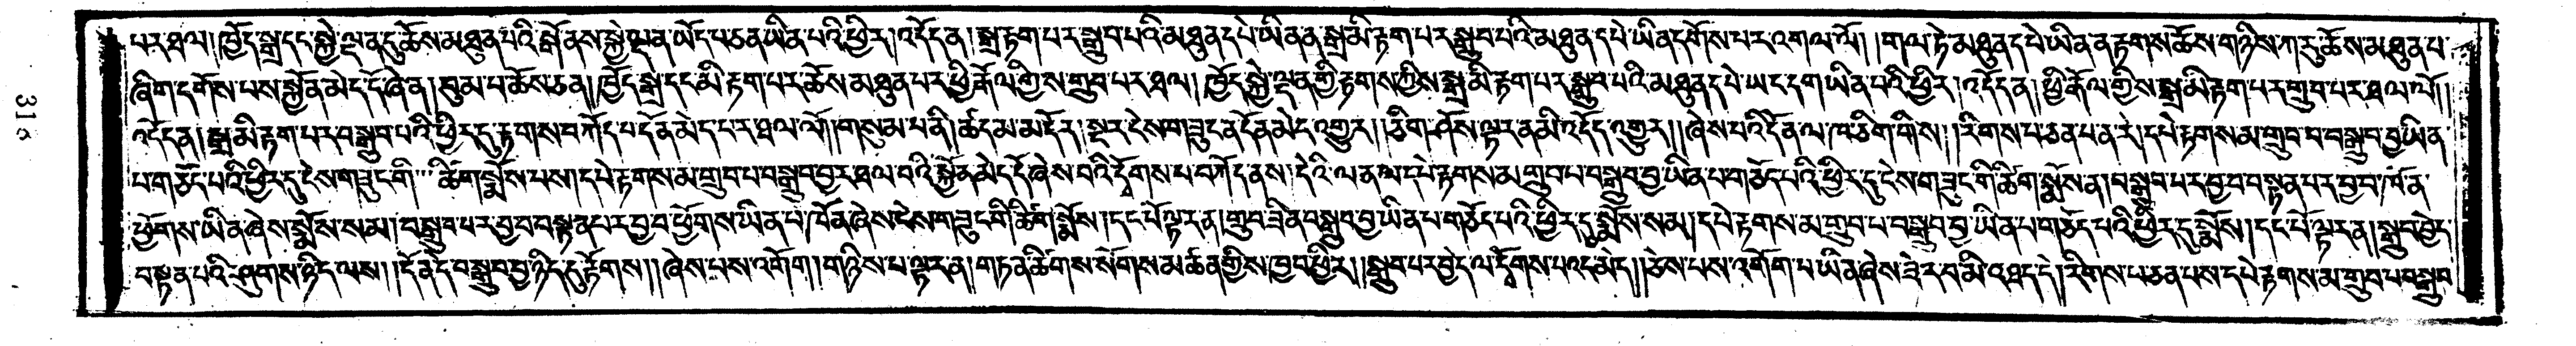པར་ཐལ། ཁྱོད་སྒྲ་དང་སྐྱེ་ལྡན་དུ་ཆོས་མཐུན་པའི་སྒོ་ནས་སྐྱེ་ལྡན་ཡོད་པ་ཅན་ཡིན་པའི་ཕྱིར། འདོད་ན། སྒྲ་རྟག་པར་སྒྲུབ་པའི་མཐུན་དཔེ་ཡིན་ན་སྒྲ་མི་རྟག་པར་སྒྲུབ་པའི་མཐུན་དཔེ་ཡིན་དགོས་པར་འགལ་ལོ། །གལ་ཏེ་མཐུན་དཔེ་ཡིན་ན་རྟགས་ཆོས་གཉིས་ཀ་རུ་ཆོས་མཐུན་པ་
ཞིག་དགོས་པས་སྐྱོན་མེད་དོ་ཞེ་ན། བུམ་པ་ཆོས་ཅན། ཁྱོད་སྒྲ་དང་མི་རྟག་པར་ཆོས་མཐུན་པར་ཕྱི་རྒོལ་གྱིས་གྲུབ་པར་ཐལ། ཁྱོད་སྐྱེ་ལྡན་གྱི་རྟགས་ཀྱིས་སྒྲ་མི་རྟག་པར་སྒྲུབ་པའི་མཐུན་དཔེ་ཡང་དག་ཡིན་པའི་ཕྱིར། འདོད་ན། ཕྱི་རྒོལ་གྱིས་སྒྲ་མི་རྟག་པར་གྲུབ་པར་ཐལ་ལོ། །
འདོད་ན། སྒྲ་མི་རྟག་པར་བསྒྲུབ་པའི་ཕྱིར་དུ་རྟགས་བཀོད་པ་དོན་མེད་པར་ཐལ་ལོ། །གསུམ་པ་ནི། ཚད་མ་མདོར། སྔར་ངེས་གཟུང་ན་དོན་མེད་འགྱུར། །ཅིག་ཤོས་ལྟར་ན་མི་འདོད་འགྱུར། །ཞེས་པའི་དོན་ལ་ཁ་ཅིག་གིས། །རིགས་པ་ཅན་པ་ན་རེ། དཔེ་རྟགས་མ་གྲུབ་པ་བསྒྲུབ་བྱ་ཡིན་
པ་གཅད་པའི་ཕྱིར་དུ་ངེས་གཟུང་གི་ཚིག་སྨོས་པས། དཔེ་རྟགས་མ་གྲུབ་པ་བསྒྲུབ་བྱར་ཐལ་བའི་སྐྱོན་མེད་དོ་ཞེས་པའི་དྭོགས་པ་བཀོད་ནས། དེའི་ལན་ལ་དཔེ་རྟགས་མ་གྲུབ་པ་བསྒྲུབ་བྱ་ཡིན་པ་གཅད་པའི་ཕྱིར་དུ་ངེས་གཟུང་གི་ཚིག་སྨོས་ན། བསྒྲུབ་པར་བྱ་བ་བསྟན་པར་བྱ་བ་ཁོ་ན་
ཕྱོགས་ཡིན་ཞེས་སྨོས་སམ། བསྒྲུབ་པར་བྱ་བ་བསྟན་པར་བྱ་བ་ཕྱོགས་ཡིན་པ་ཁོ་ན་ཞེས་ངེས་གཟུང་གི་ཚིག་སྨོས། དང་པོ་ལྟར་ན། གྲུབ་ཟིན་བསྒྲུབ་བྱ་ཡིན་པ་གཅད་པའི་ཕྱིར་དུ་སྨོས་སམ། དཔེ་རྟགས་མ་གྲུབ་པ་བསྒྲུབ་བྱ་ཡིན་པ་གཅད་པའི་ཕྱིར་དུ་སྨོས། དང་པོ་ལྟར་ན། སྒྲུབ་བྱེད་
བསྟན་པའི་ཤུགས་ཉིད་ལས། །དོན་དེ་བསྒྲུབ་བྱ་ཉིད་དུ་རྟོགས། །ཞེས་པས་འགོག །གཉིས་པ་ལྟར་ན། གཏན་ཚིགས་སོགས་མཚན་གྱིས་ཁྱབ་ཕྱིར། །སྒྲུབ་པར་བྱེད་ལ་དྭོགས་པའང་མེད། །ཅེས་པས་འགོག་པ་ཡིན་ཞེས་ཟེར་བ་མི་འཐད་དེ། རིགས་པ་ཅན་པས་དཔེ་རྟགས་མ་གྲུབ་པ་བསྒྲུབ་